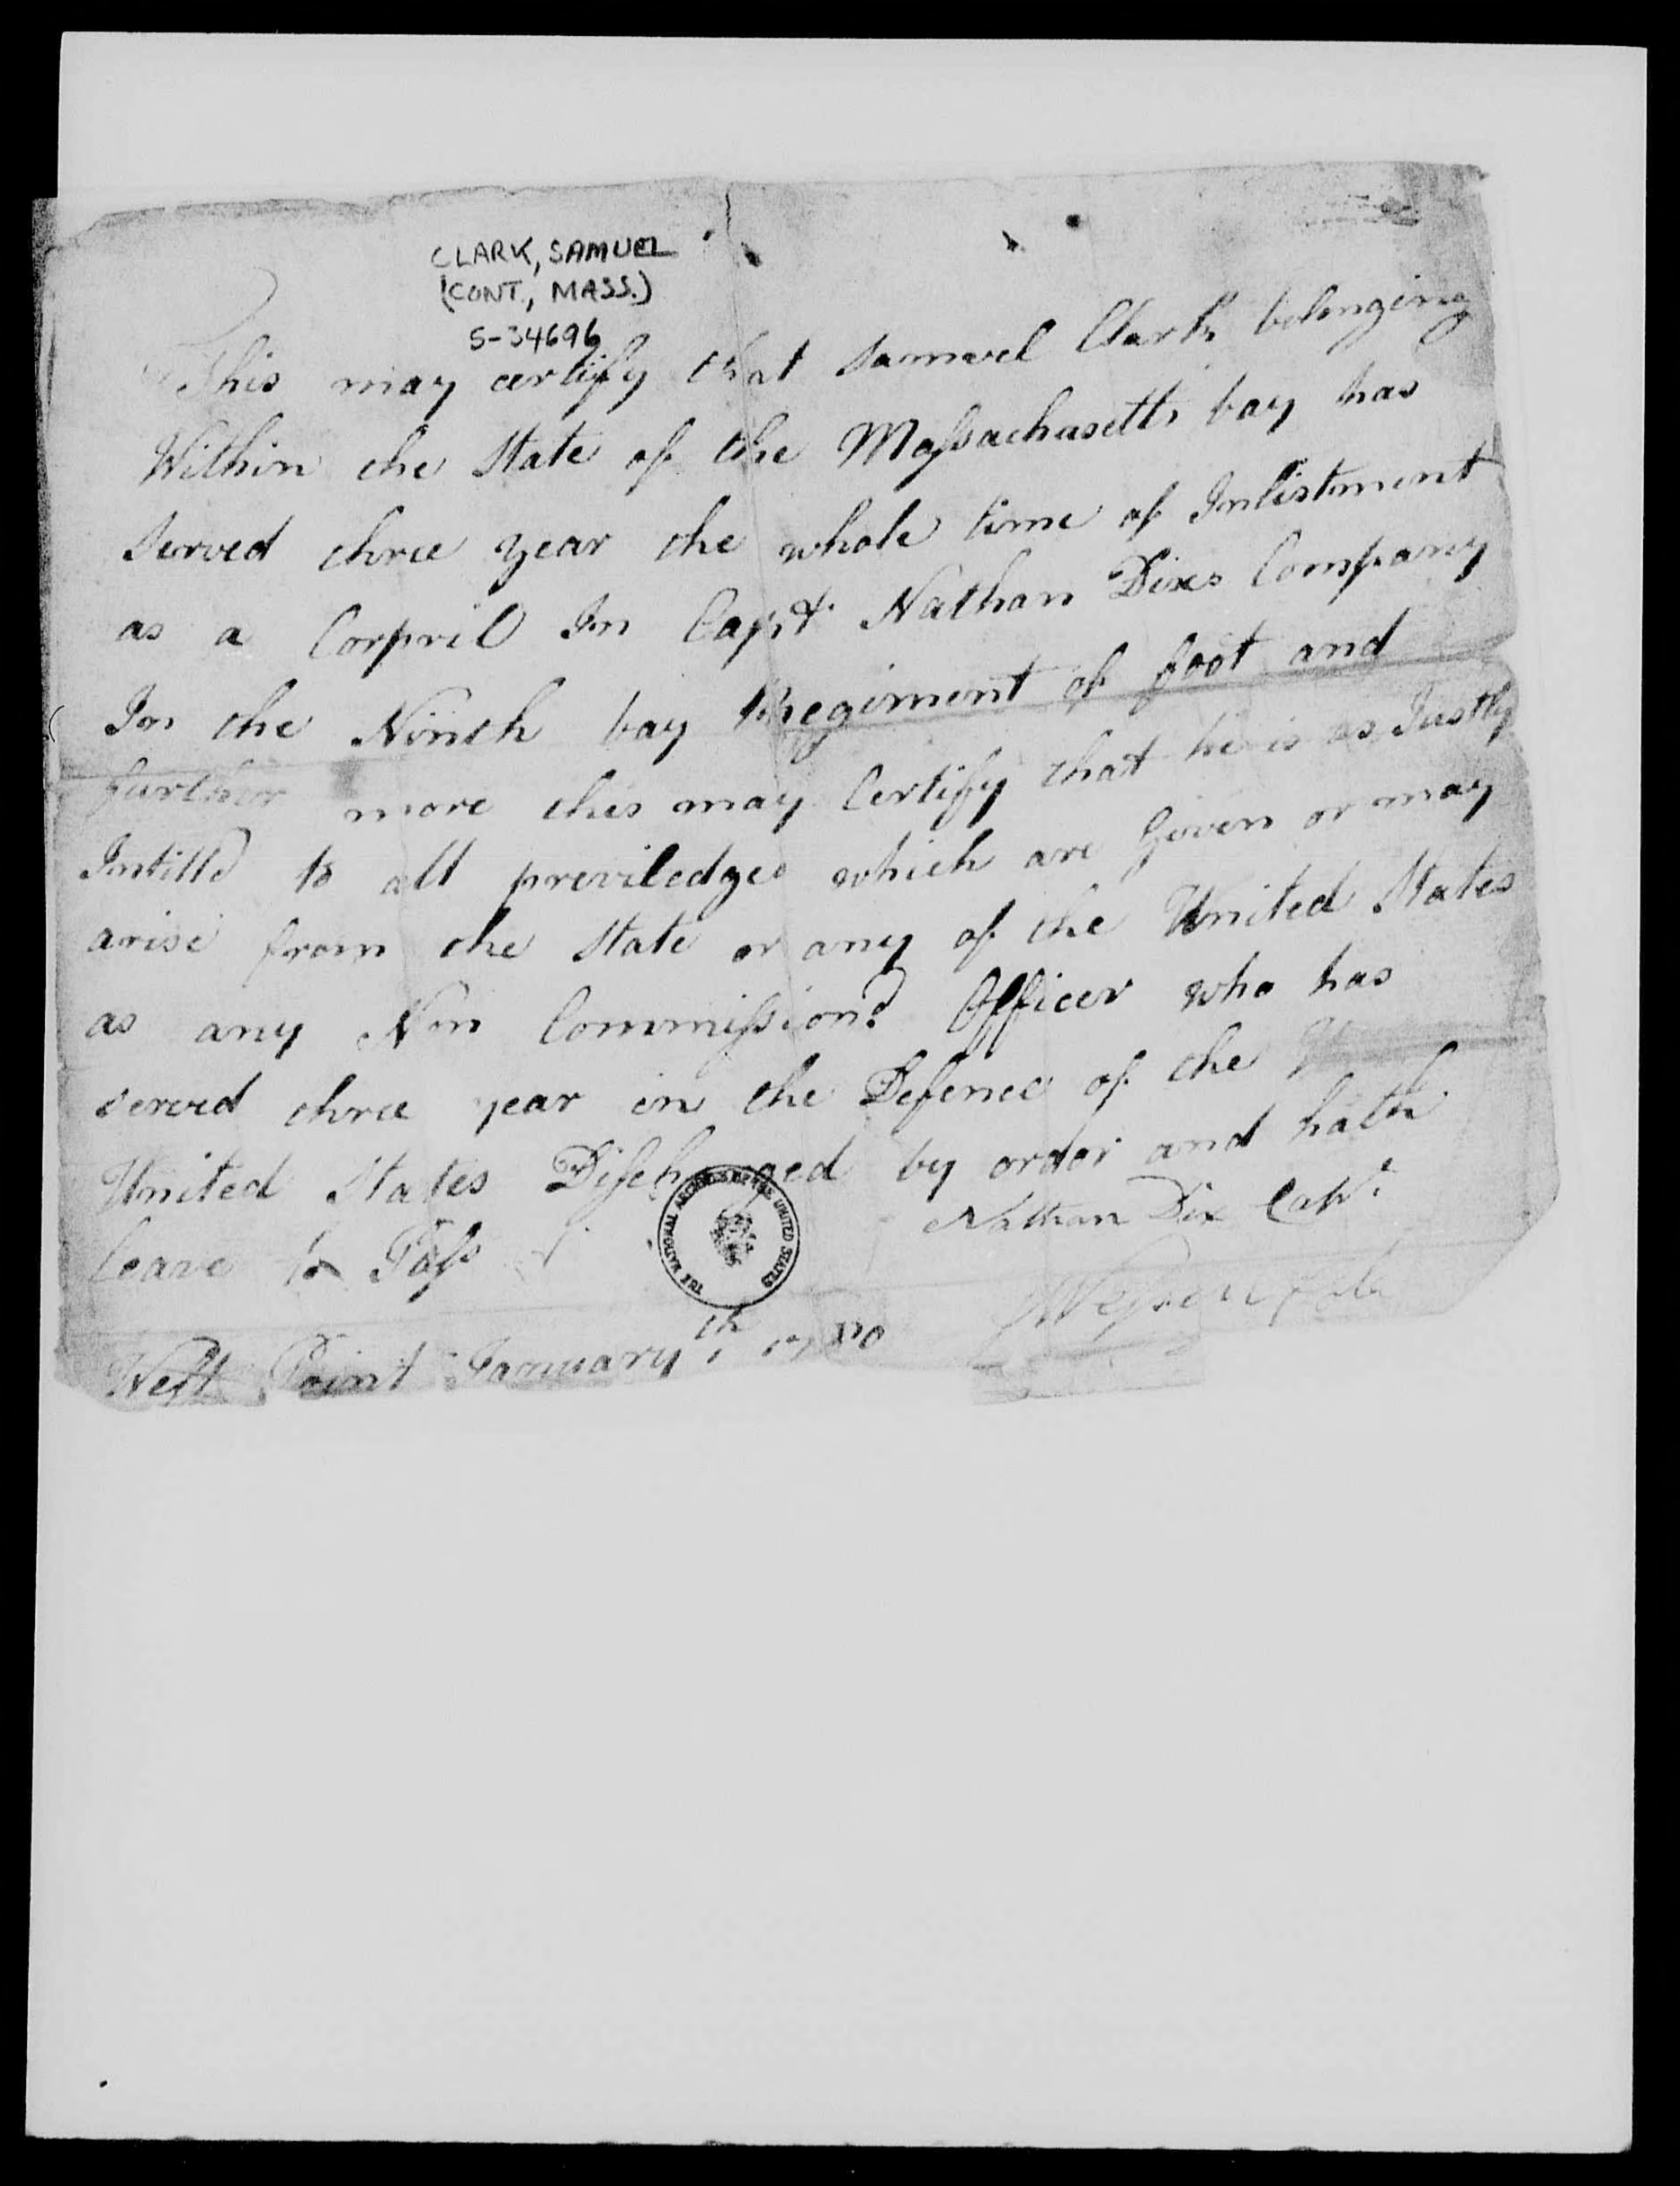Clark, Samuel
(CONT., MASS.)
This may certify that Samuel Clark belonging
Within the State of the Massachusetts bay has
served three year the whole time of Inlistment
as a Corpril In Capt Nathan Dixs Company
In the Ninth bay Regiment of foot and
further more this may certify that he is as Justly
Intitled to all previledges which are given or may
arise from the State or any of the United States
as any Non Commission? Officer who has 
served three year in the Defence of the
United States Discharged by order and hath
leave to Pass
Nathan Dix Capt
West Point January [date and year illegible]
[round stamp]THE NATIONAL ARCHIVES OF THE UNITED STATES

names: Samuel Clark, Wesson, Samuel Clark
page: 12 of 14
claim: survivor's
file: S. 34696, Samuel Clark, Continental Mass.